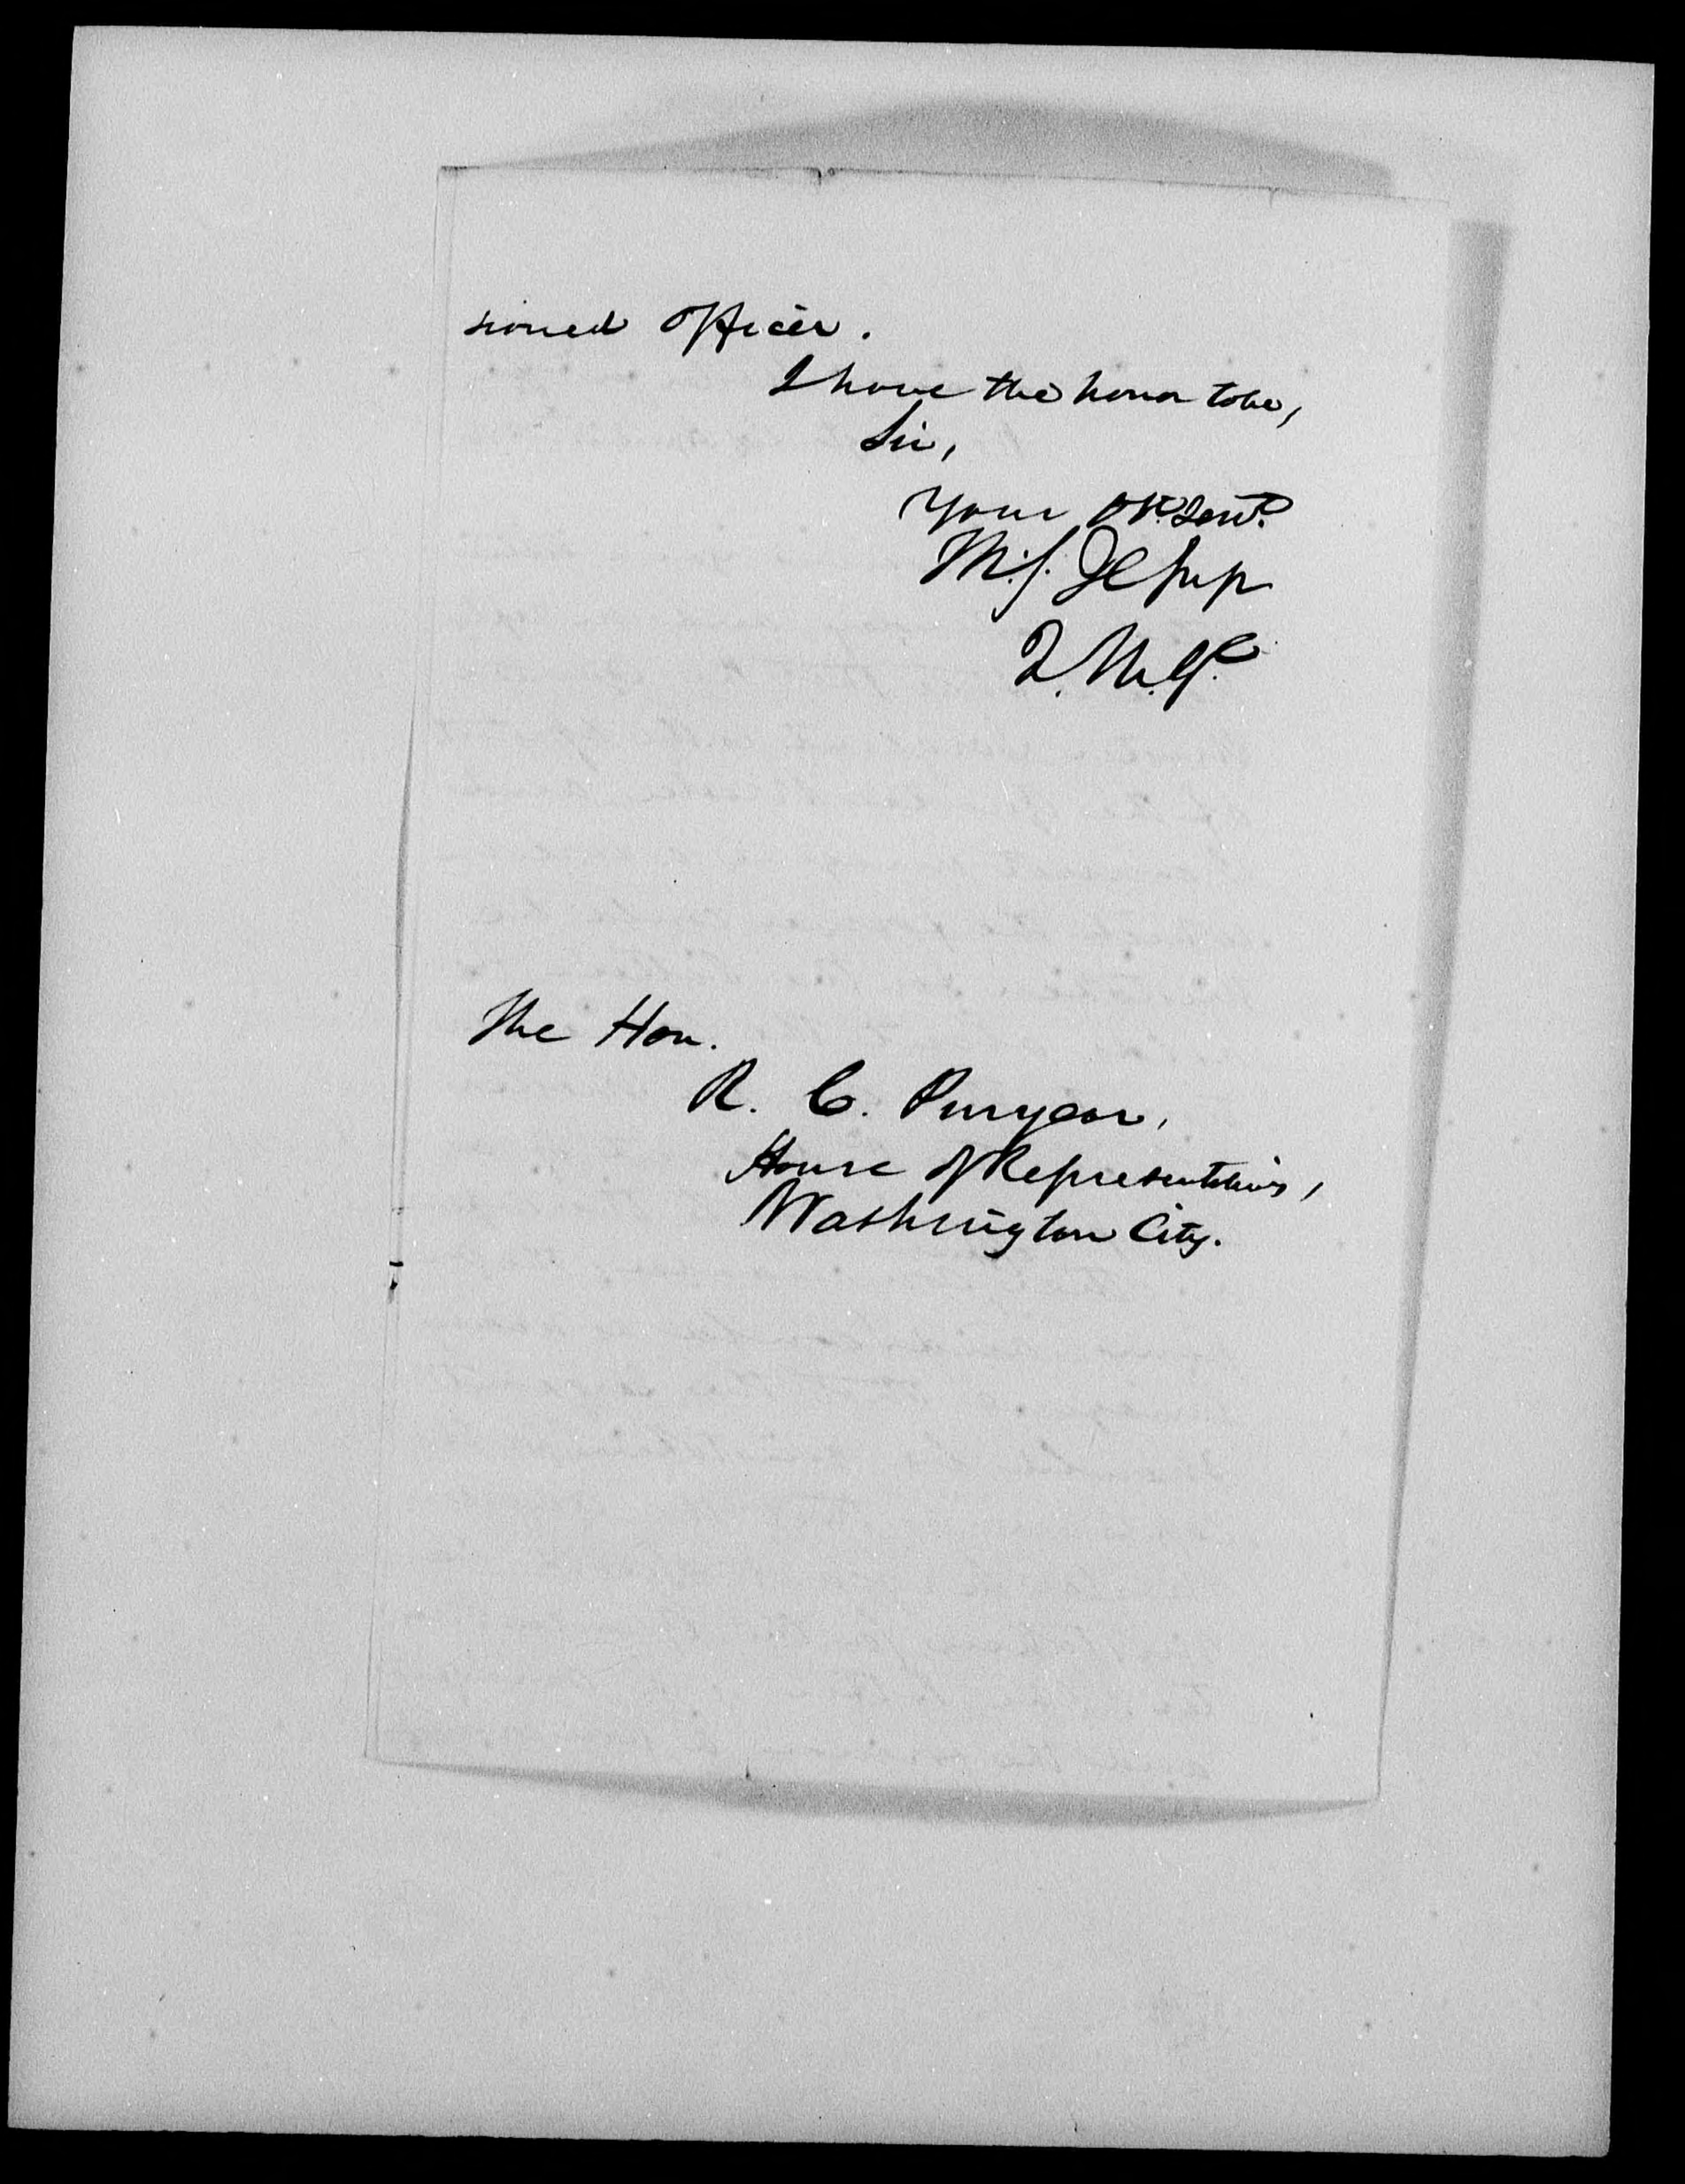[Continuation of a handwritten letter.]

sioned officer.  
I have the honor tobe, 
Sir,
Your Obt. Servt.  [Your Obediant Servant.]
[Signature, possibly:] M: J. Jesup
Q.M.Gl. [possibly meaning Quarter Master General.] 



The Hon.
R. C. Puryear,
House of Representatives, 
Washington City.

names: R C Pinyon, M J Jesup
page: 19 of 145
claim: survivor's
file: S. 8265, William Cumming, N.C.